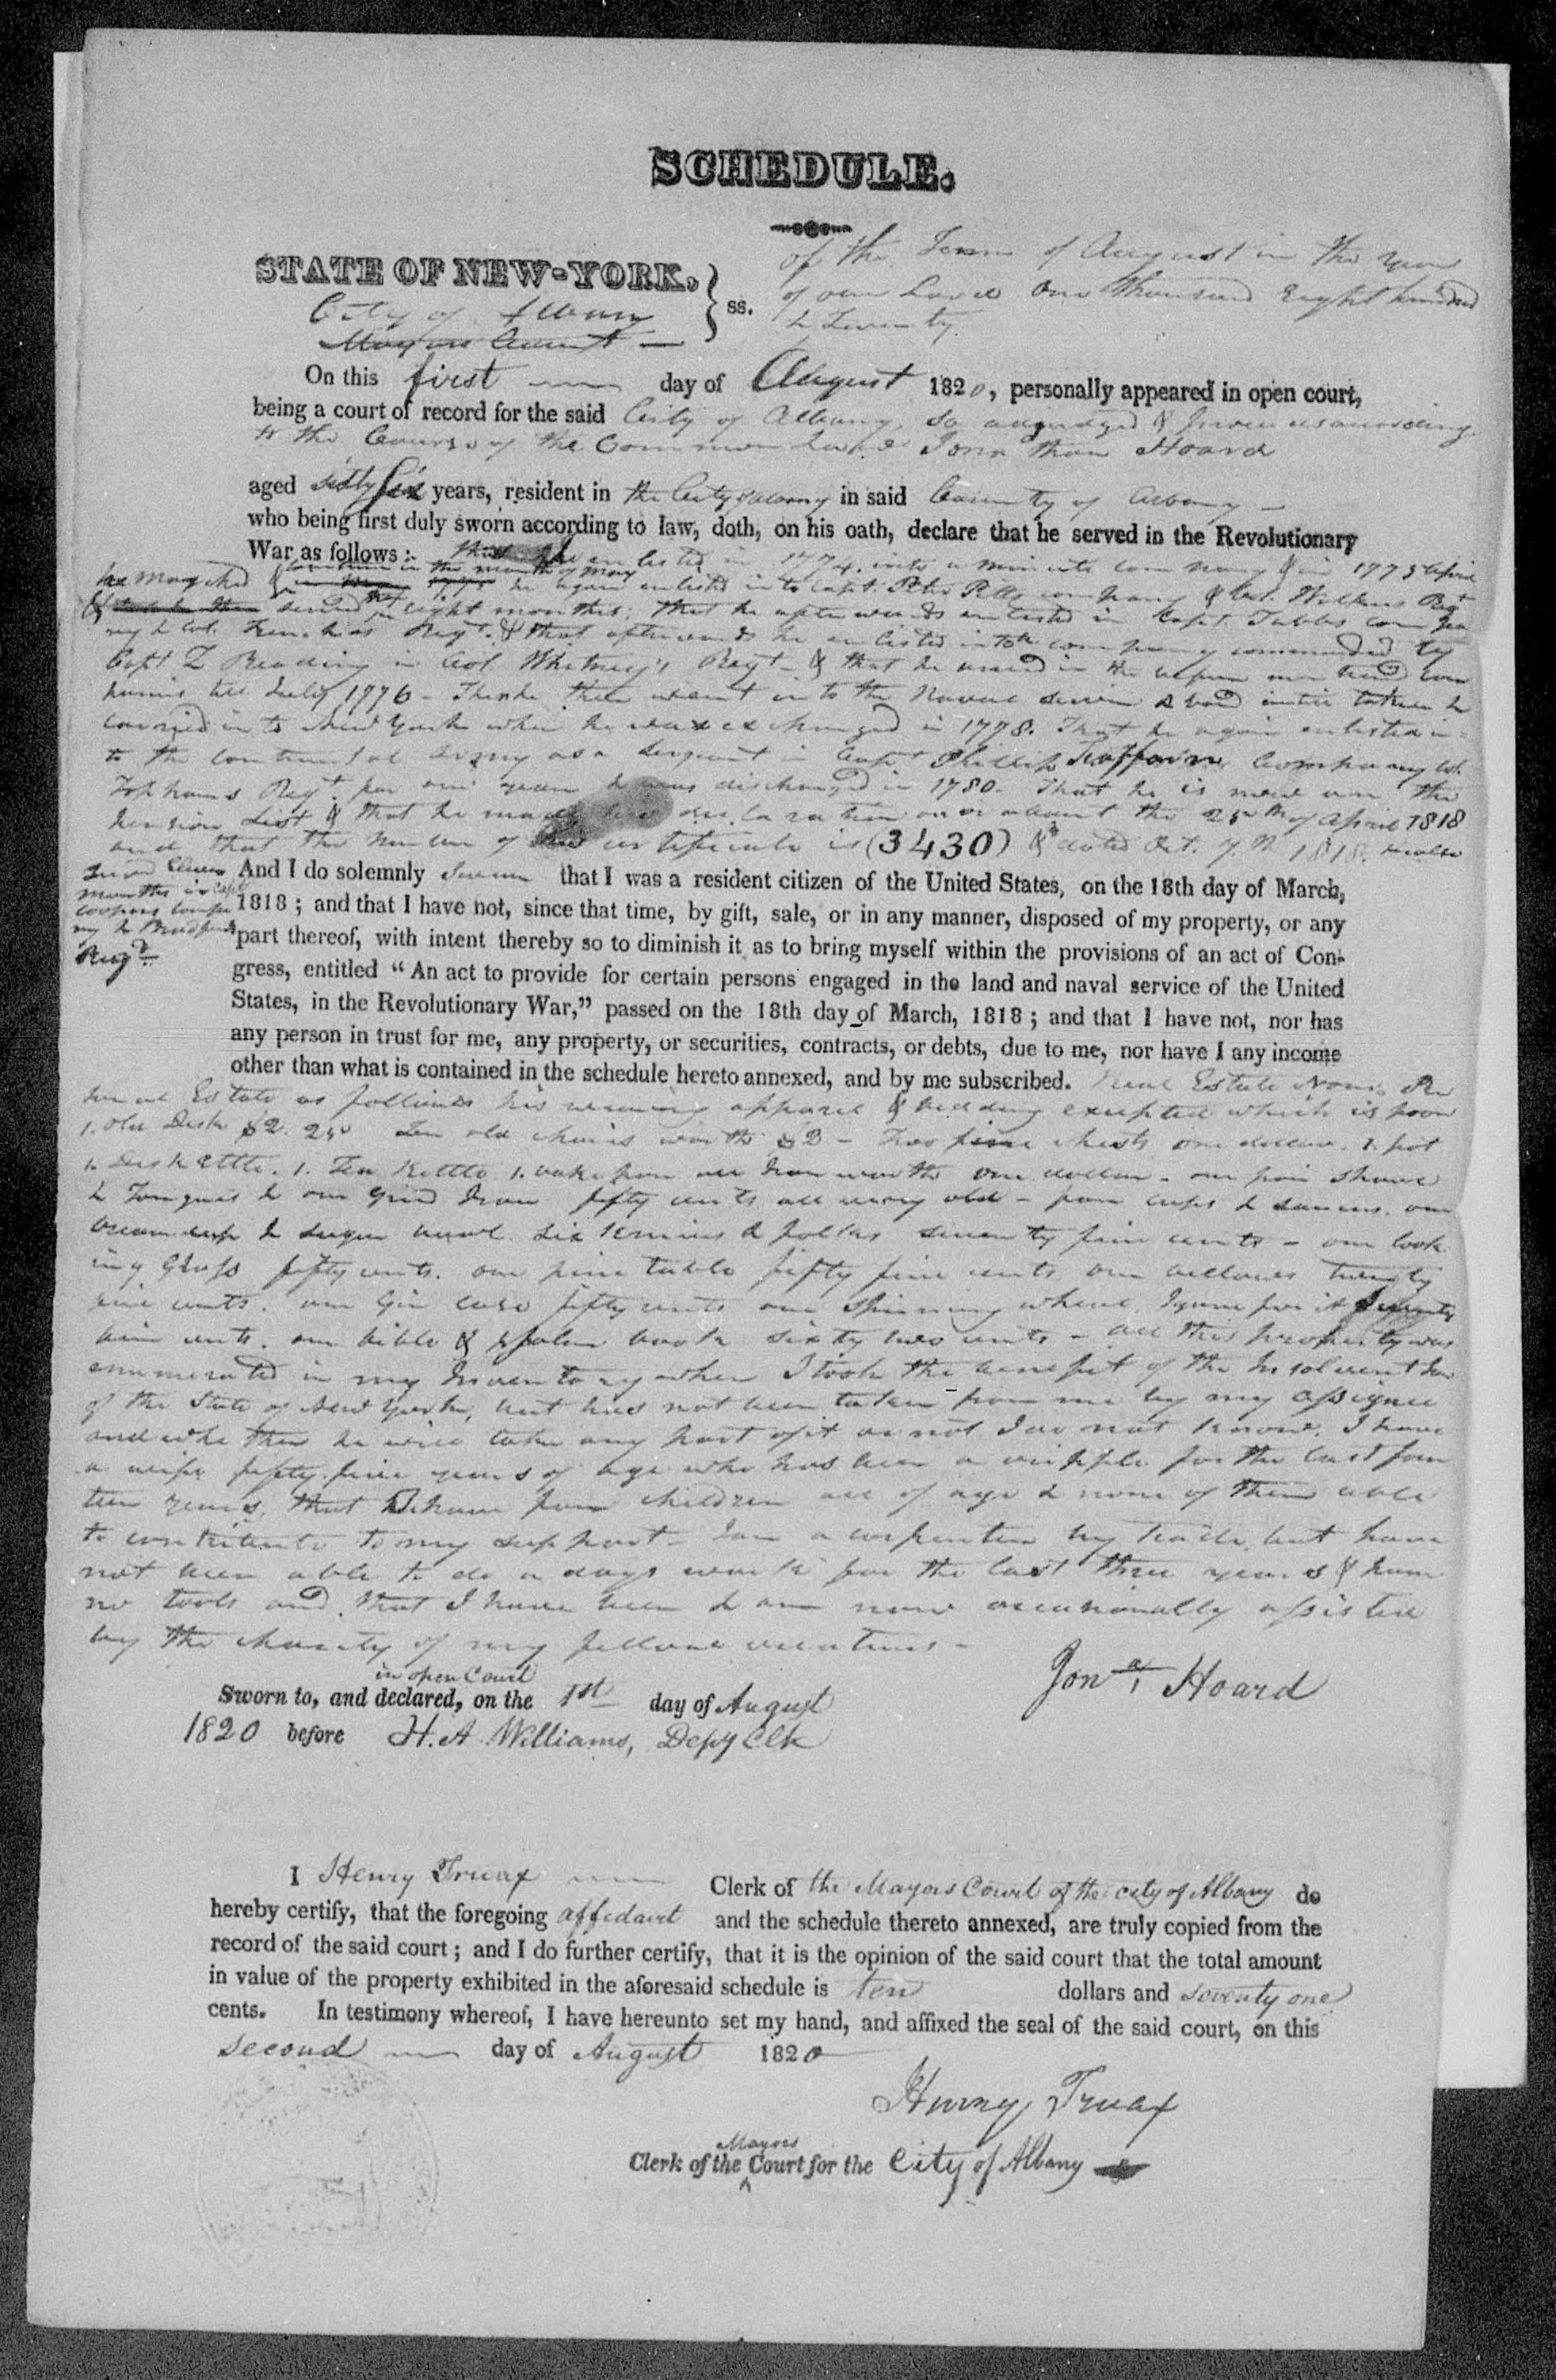SCHEDULE.
STATE OF NEW -YORK
City of Albany }
Mayors Court 
of the second of August in the year of our Lord one thousand eight hundred and twenty. 

On this first day of August 1820, personally appeared in open court, being a court of record for the said City of Albany, [illegible][illegible][illegible] of the Court of the Common Law Jonathan Hoard aged sixty six years, resident in the City of  Albany in said County of Albany - who being first duly sworn according to law, doth, on his oath, declare that he served in the Revolutionary War as follows: that he enlisted in 1774 into a minute company & in 1773 April [illegible] in the month of May he marched [illegible] he again enlisted in to Capt Peter Pitts  company of Col Walkers Reg & served eight months; that he again enlisted in Capt Tubbs company 
 & Col French's Regt, that afterwards  he enlisted into the Company commanded by Capt.[illegible] Reading in L. Col. Whitney's Reg  & that he served in the [illegible] more time even [illegible] till  July 1776 - Then he then went into the Naval Service & served [illegible] [illegible] into New York when he was exchanged  in 1778. That he again enlisted to the Continental Army as a Sergeant in Capt Phillip Traffan Company Tophams Reg. & has [illegible][illegible] he was discharged in 1780 - that he is now on the Pension List & that he made his declaration on or about the 28th of April 1818  and that the number of his certificate is (3430) [illegible] dated Oct. 7th 1818. He also [illegible] [illegible] [illegible] 

And I do solemnly swear that I was a resident citizen of the United States, on the 18th day of March, and that I have not, since that time, by gift, sale, or in any manner, disposed of my property, or any part thereof, with intent thereby so to diminish it as to bring myself within the provisions of an act of Congress, entitled "An act to provide for certain persons engaged in the land and naval service of the United States, in the Revolutionary War," passed on the 18th of March, 1818; and that I have not, nor has any person in trust for me, any property, or securities, contracts, or debts, due to me, nor have I any income other that what is contained in the schedule hereto annexed, and by me subscribed.  Real Estate none . [illegible] Estate as follows his [illegible]appears as bedding excepted which is from 1. old Dish $2.230 ten old chairs worth $ 2 - the [illegible] Two pine chests  one [illegible] 1. Desk [illegible] 1. Tea kettle 1. bake pan [illegible] fifty cents [illegible]  [illegible] seventy five cents  one looking glass fifty cents, one pine table fifty five cents, [illegible] [illegible] twenty nine cents. one [illegible] fifty cents, one spinning wheel, seventy five cents  [illegible] [illegible] [illegible]. One bible & psalms book for sixty two cents, all this property  was enumerated  in my inventory when I took the [illegible] of the [illegible] soldier [illegible] of the State of New York, but have not been taken from me by any assignee and when then he [illegible]  taken any part of it, [illegible] [illegible] [illegible] [illegible] I have a wife fifty five years of age who has been a cripple for the last fourteen years  that [illegible] four [illegible] children were of ages & none of them able to contribute to my support. I am a carpenter by trade but not been able to do a days work for the last three years & have no tools  and that I have been  [illegible] [illegible] [illegible] and am now  occasionally  assisted  by the charity of my fellow [illegible]
Jona Hoard
Sworn to, and declared in open Curt on the 1st day of August 1820 before H.A. Williams, Depy Clk

I Henry Truax Clerk of the Mayors Court of the City of Albany do hereby certify, that the foregoing affidavit and the schedule thereto annexed, are truly copied from the record of the said court; and I do further certify, that it is the opinion of the said court that the total amount in value of the property exhibited in the aforesaid schedule is ten dollars and seventy one cents. In testimony whereof, I have hereunto set my hand, and affixed the seal of the said court, on this second day of August 1820. Henry Truax
Clerk of the Mayors Court for the City of Albany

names: Henry Truax, Z Brading, Henry Truax, H A Williams, Jona Hoard, Jonathan Hoard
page: 7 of 52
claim: widow's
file: W 19755, Jonathan Hoard, Mass.